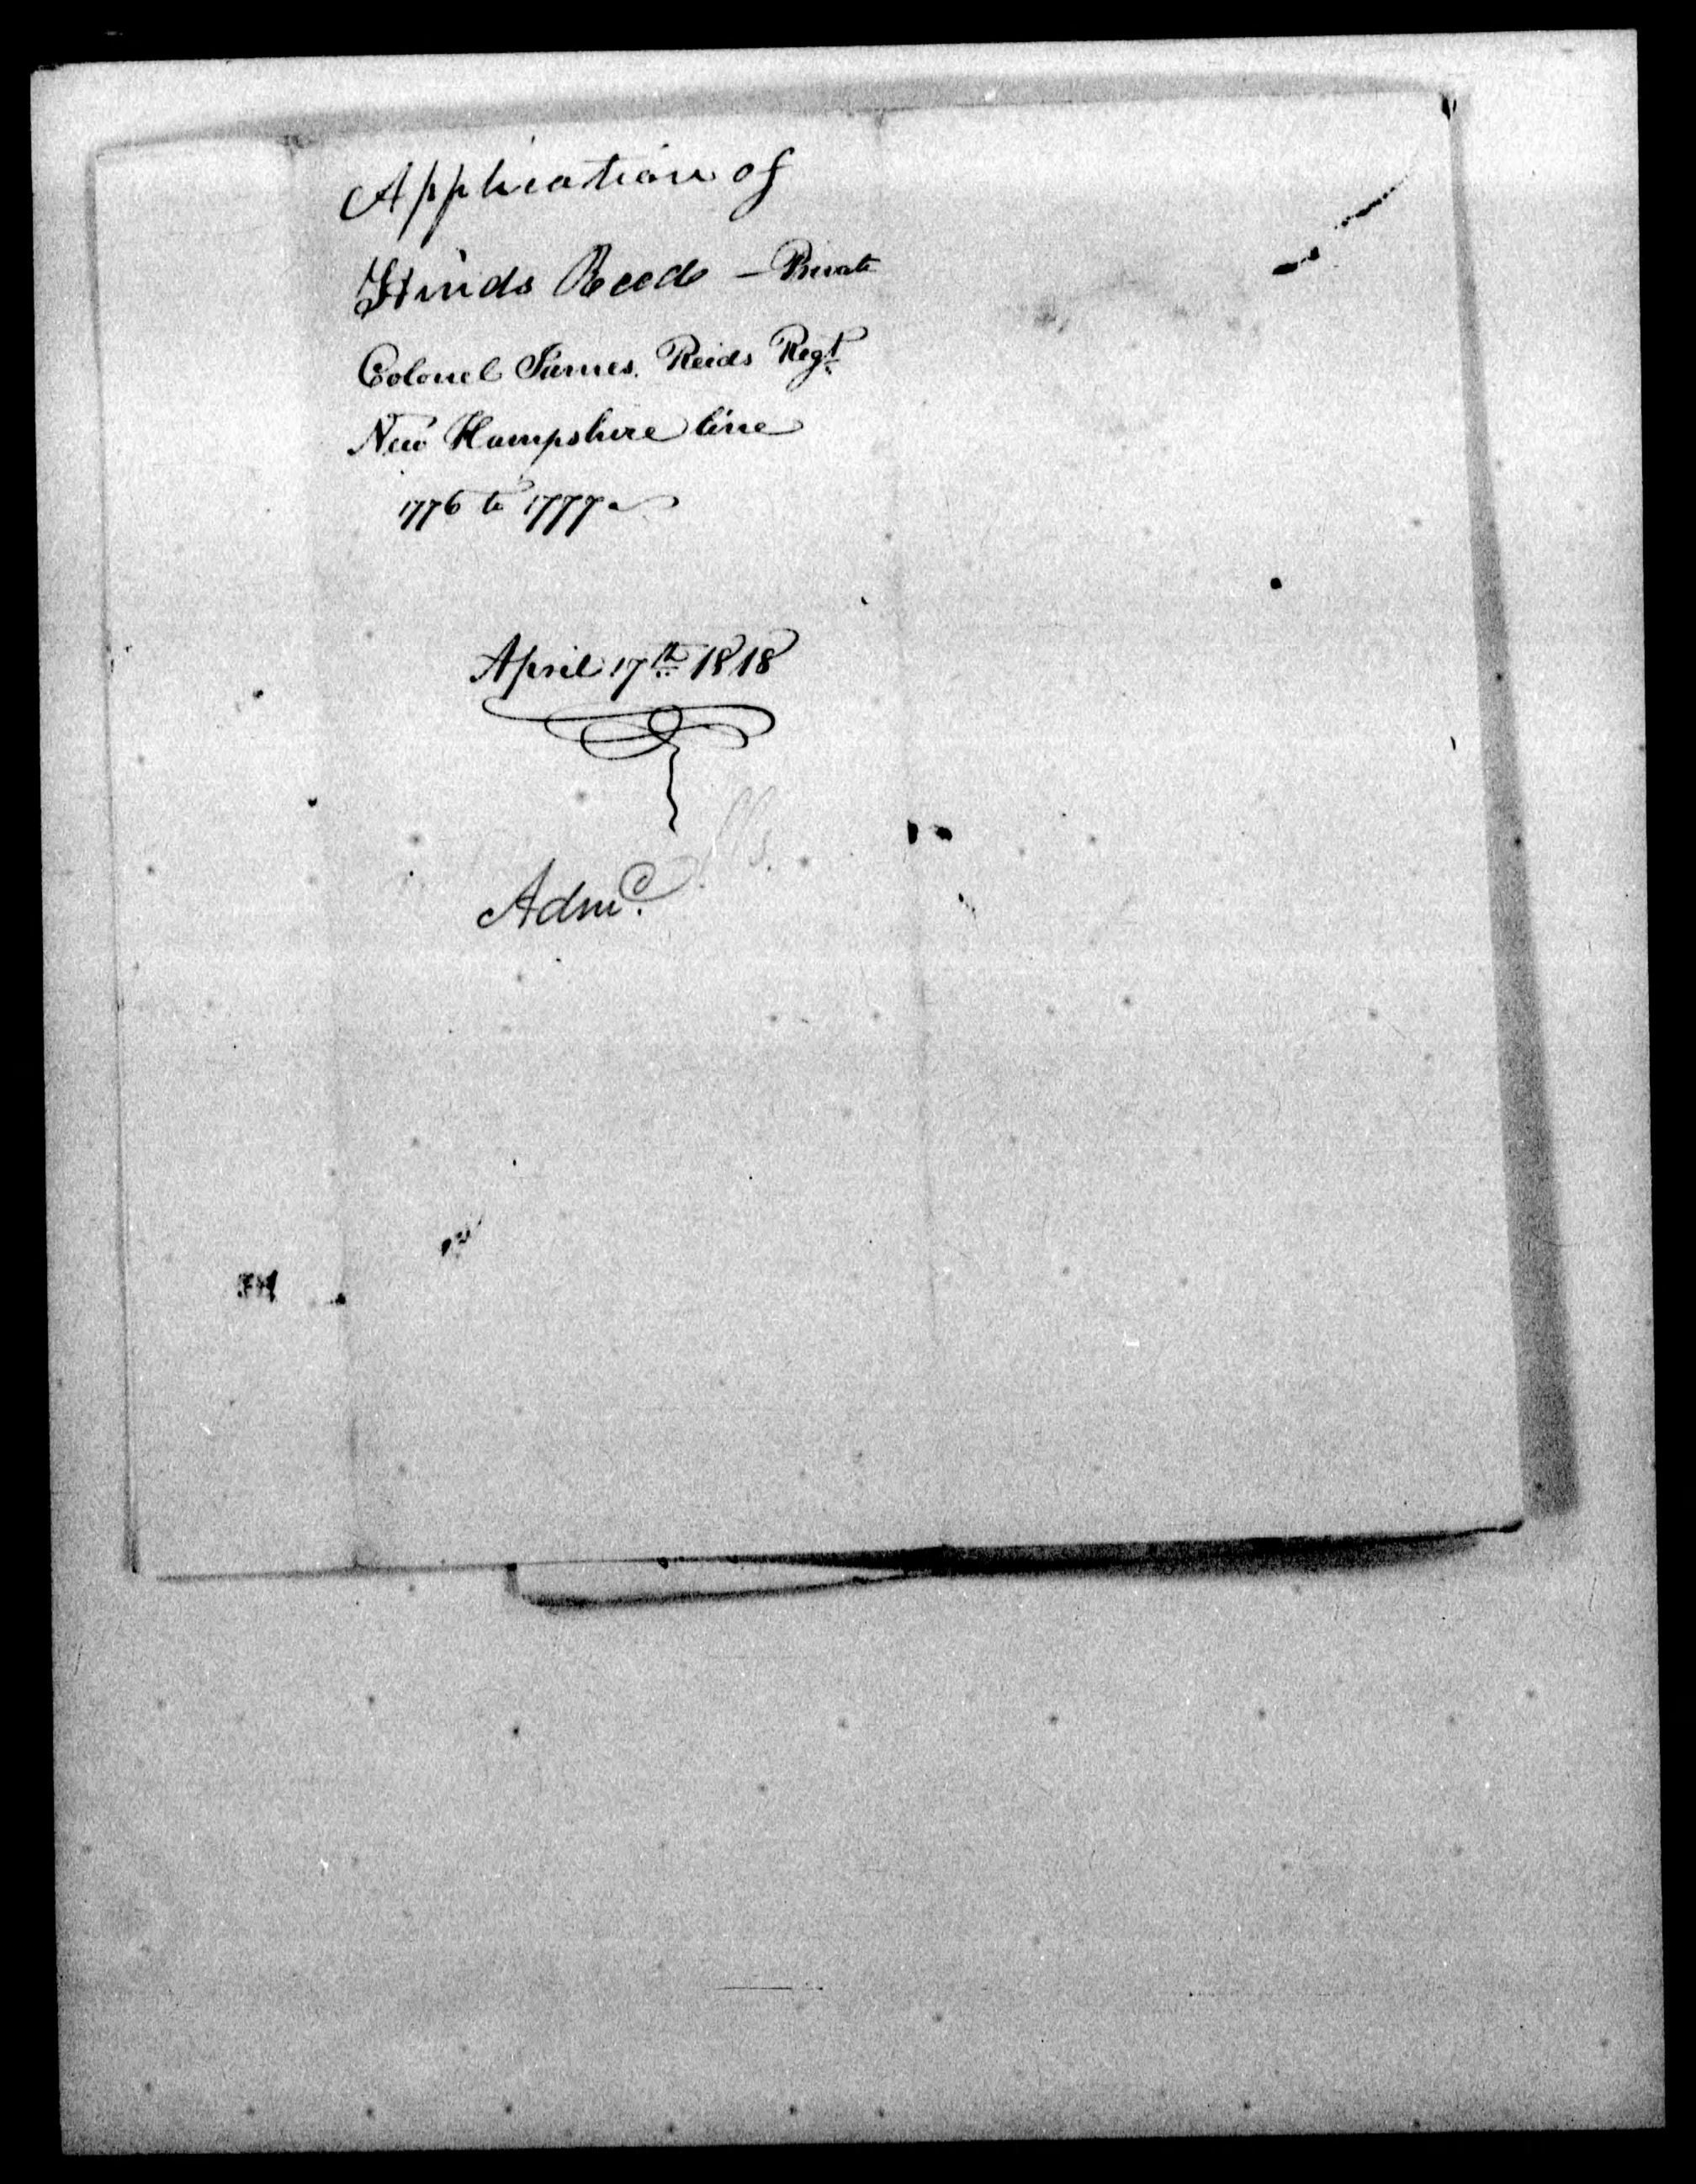Application of Hines Reed - Private
Colonel Sarres Reeds Regt
New Hampshire Line
1776 to 1777

April 17th 1818
Admd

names: Hinds Reed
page: 3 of 19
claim: survivor's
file: S 41975, for Hinds Reed, New Hampshire